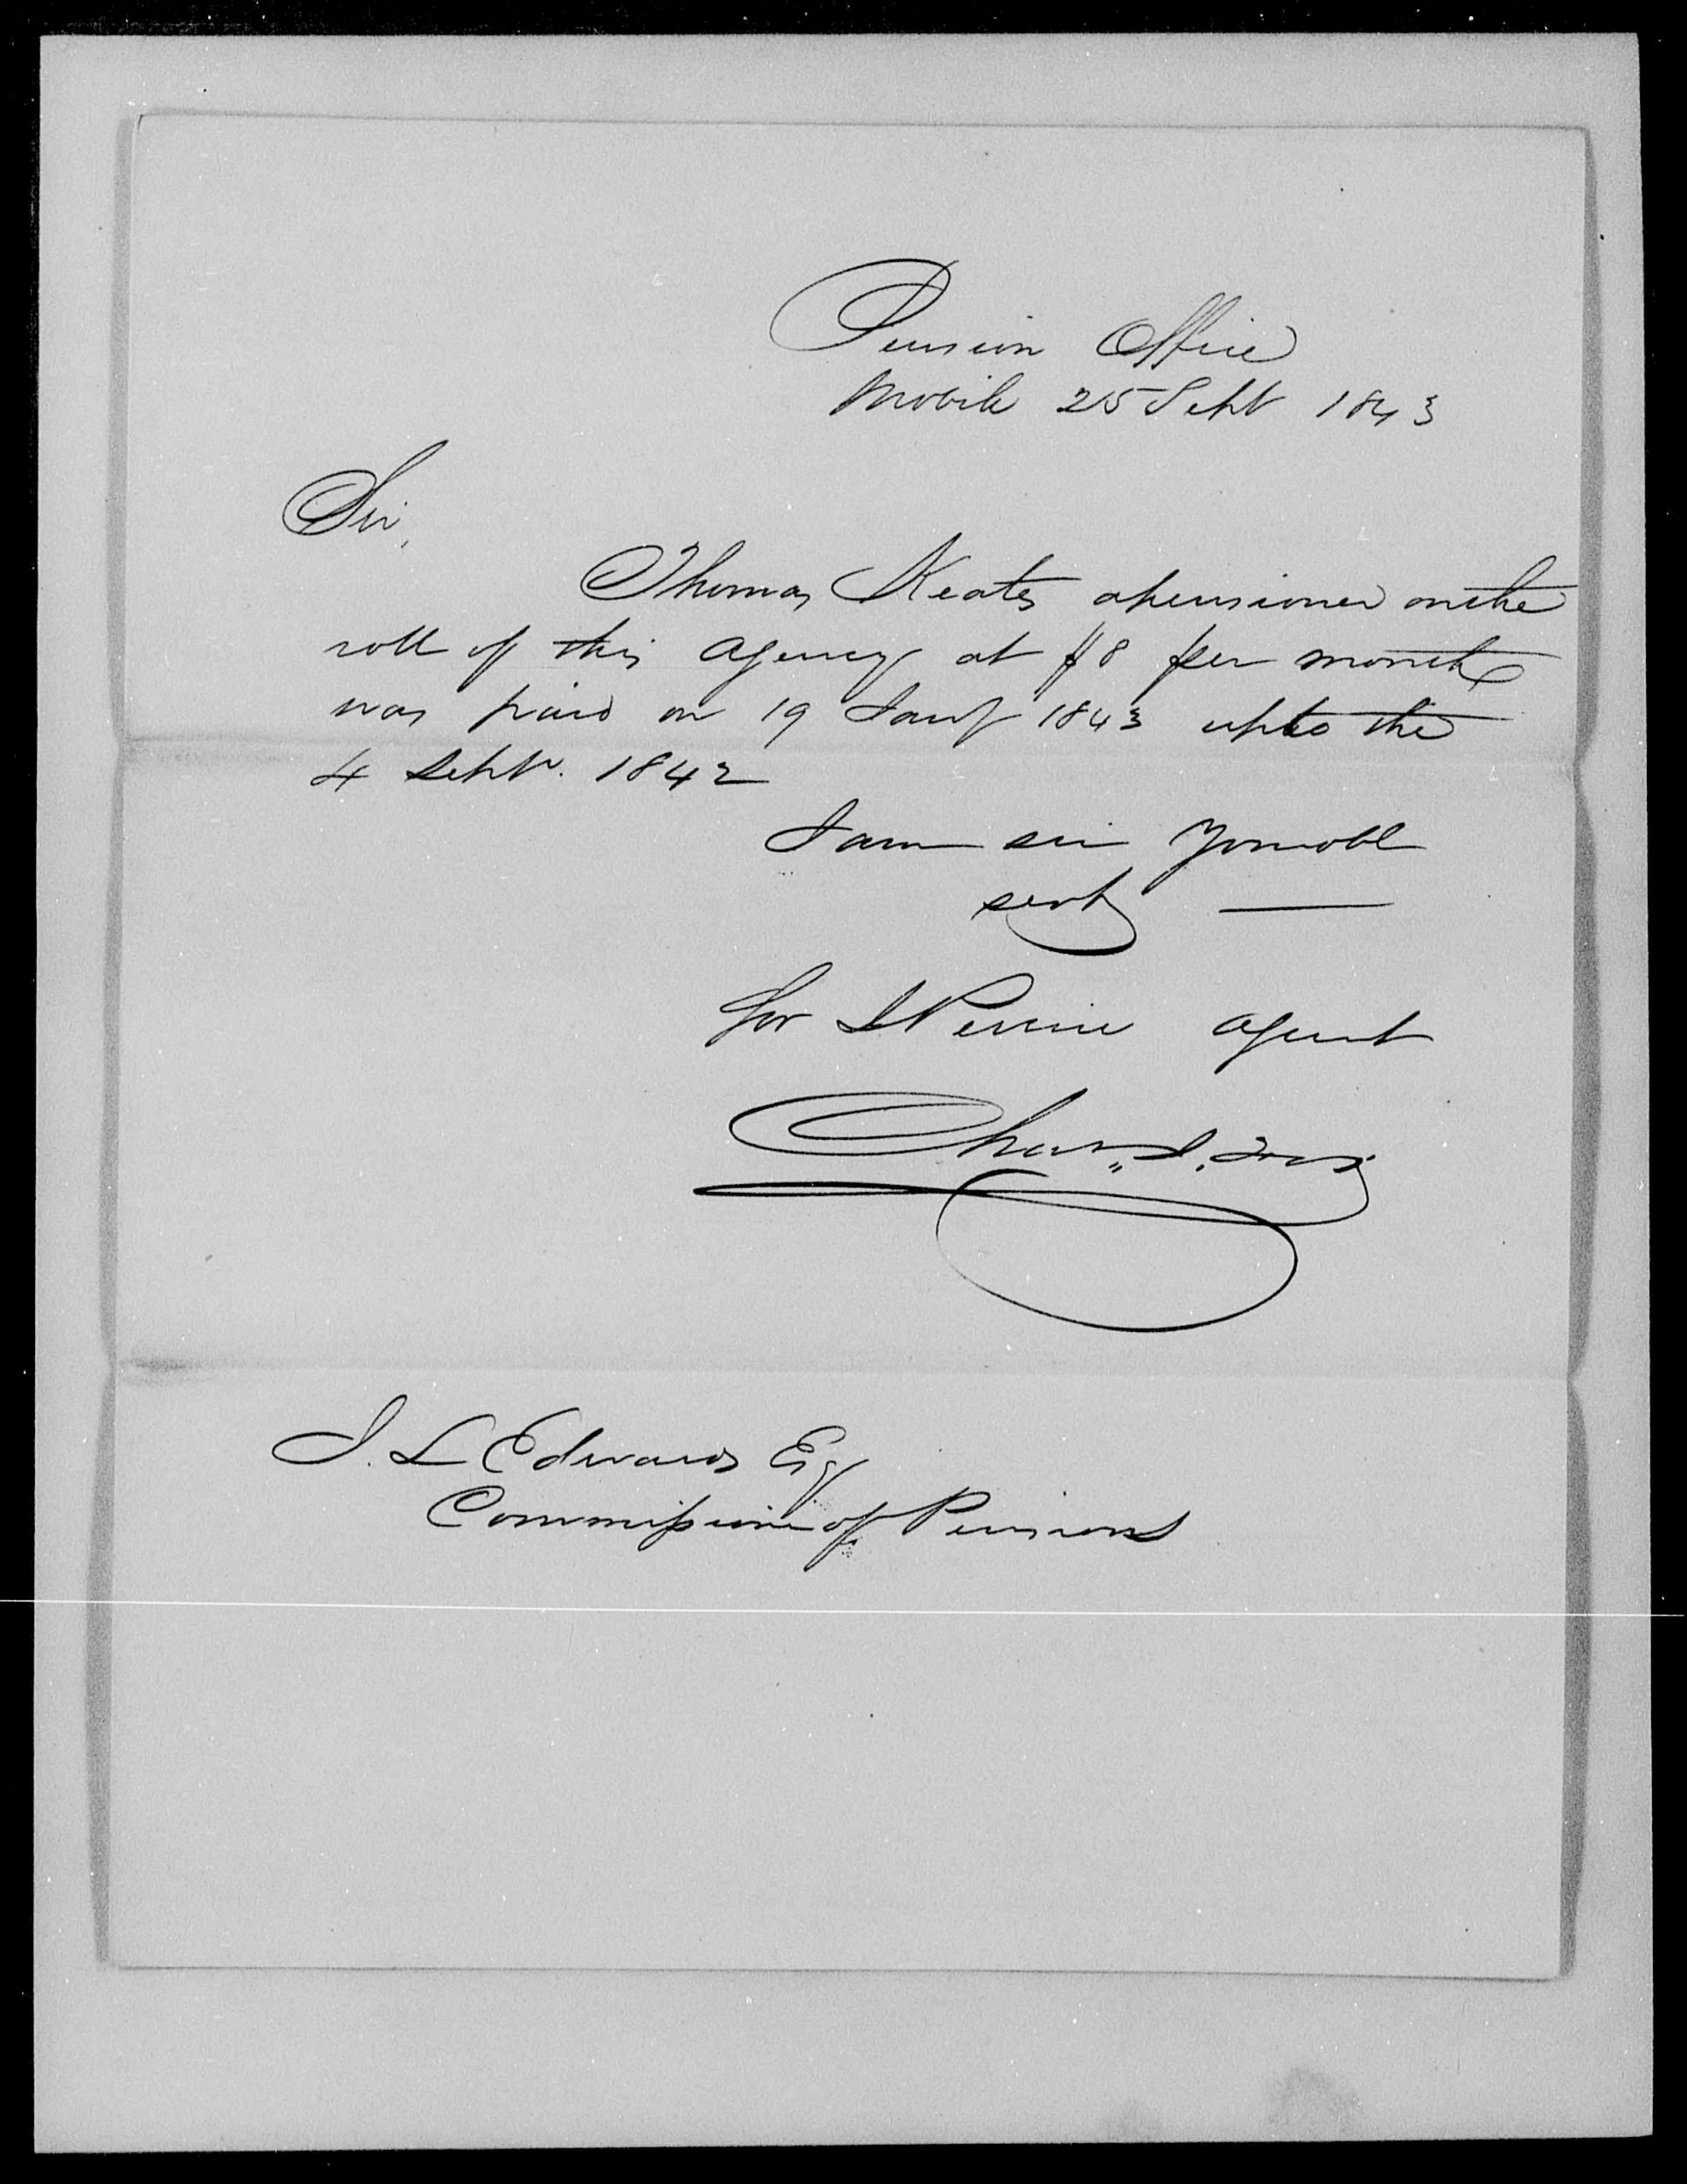Pension Office
Mobile 25 Sept 1843

Sirl
Thomas Keats a pensioner on the
roll of this agency at $8 per month
was paid on 19 Jany 1843 up to the
4 Sept 1842
I am sir your obl. svt.
for [illegible] agent
(illegible signature)

J L Edwards Esq.
Commissioner of Pensions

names: Chas J Fox; J L Edwards; Thomas Keates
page: 22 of 25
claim: survivor's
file: S. 38109, for Thomas Keates, Maryland